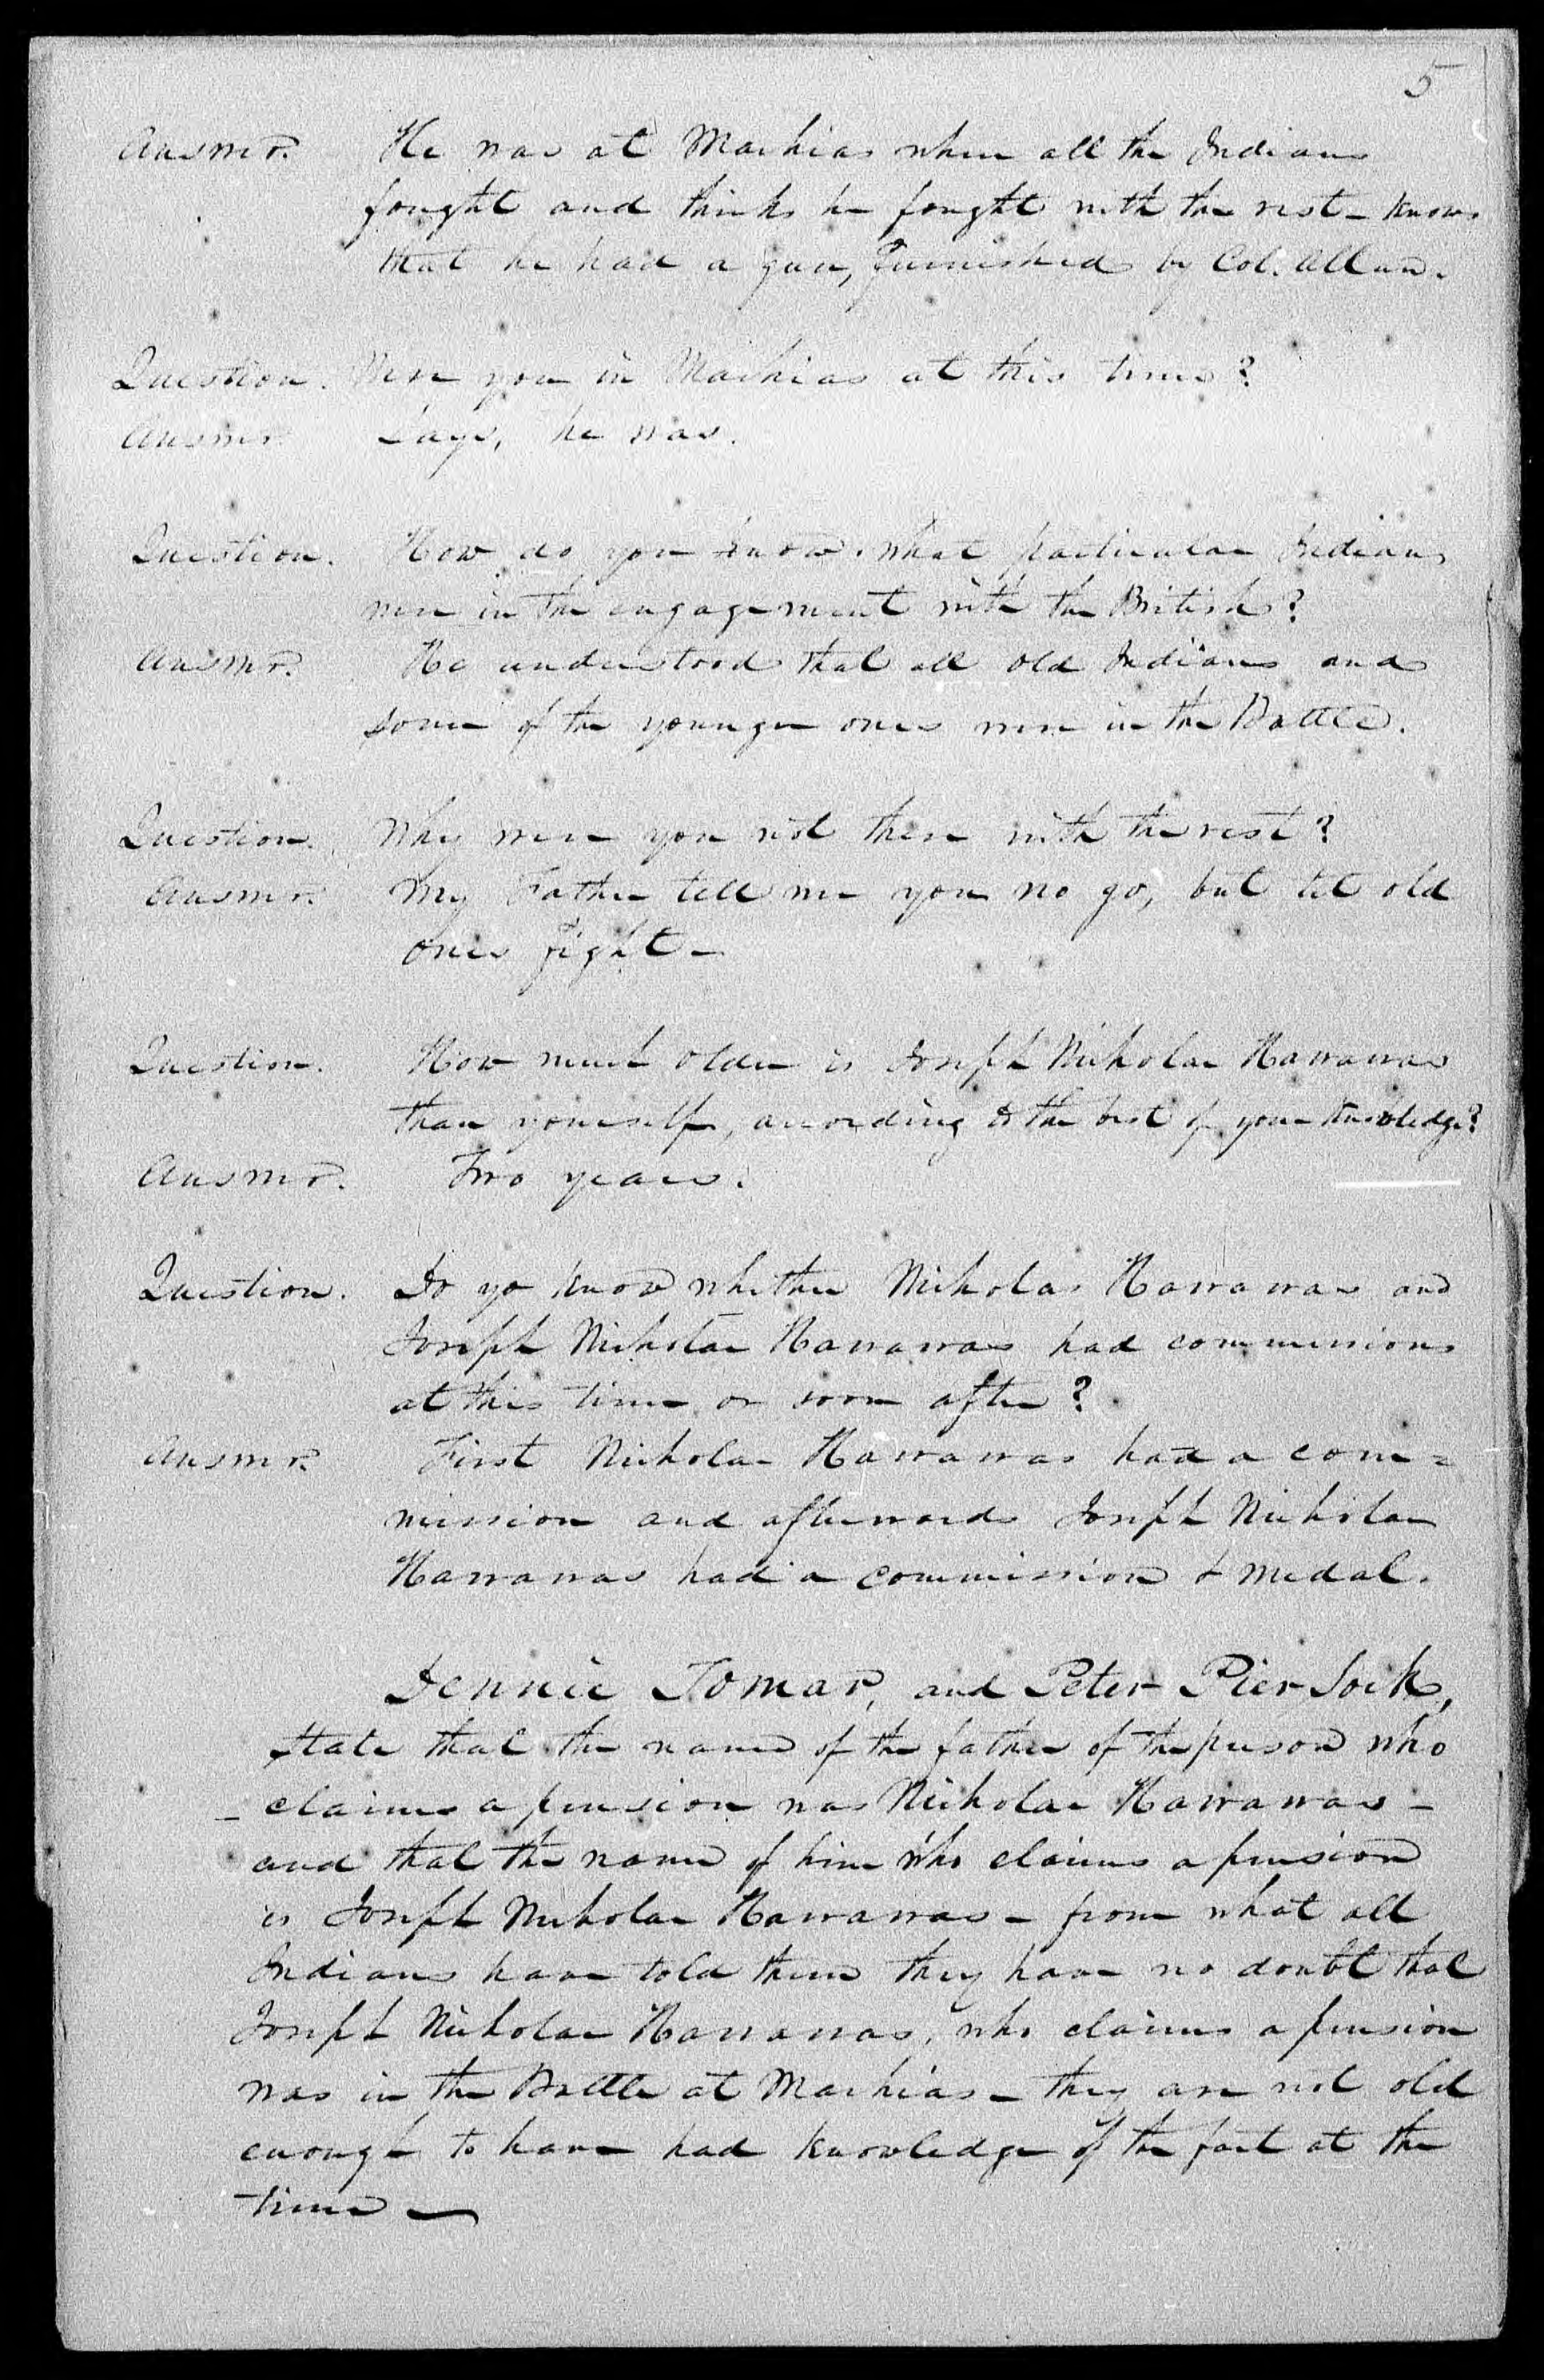5

Answer. He was at Machias when all the Indians fought and thinks he fought with [?] _ knows that he had a gun, furnished by Col. Allan.
Question. Were you in Machias at this time?
Answer. Says, he was.
Question. [How] do you [know] what particular Indian men in the engagement with the British?
Answer. He understood that all old Indians and some of the younger ones [were] in the Battle.
Question. [?] you not then with the rest?
Answer. My Father tells me you no go, but tell old ones fight -
Question. How much older is Joseph Nicholas Hawawas than yourself, according to the best of your knowldge?
Answer. Two years.
Question. Do you know whether Nicholas Hawawas and Joseph Nicholas Hawawas had commissions at this time or soon after?
Answer. First Nicholas Hawawas had a commission and afterwards Joseph Nicholas Hawawas had a commission [&] medal.

Dennis Tomar, and Peter Pier Sock, state that the named of the father of the person who claims a pension was Nicholas Hawawas - and that the named of him who claims a pension is Joseph Nicholas Hawawas - from what all Indians have told them they have no doubt that Joseph Nicholas Hawawas, who claims a pension was in the Battle of Machias - they are not old enough to have had knowledge of the fort at the time -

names: Nicholas Hawawas, Peter Pier Sock, Joseph Nicholas Hawawas, Allan, Joseph Nicholas Hawawas, Nicholas Hawawas, Dennie Tomar, Joseph Nicholas Hawawas, Joseph Nicholas Hawawas, Joseph Nicholas Hawawas, Nicholas Hawawas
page: 14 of 52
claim: survivor's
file: S 17997, Nicholas Hawwawas, Mass.